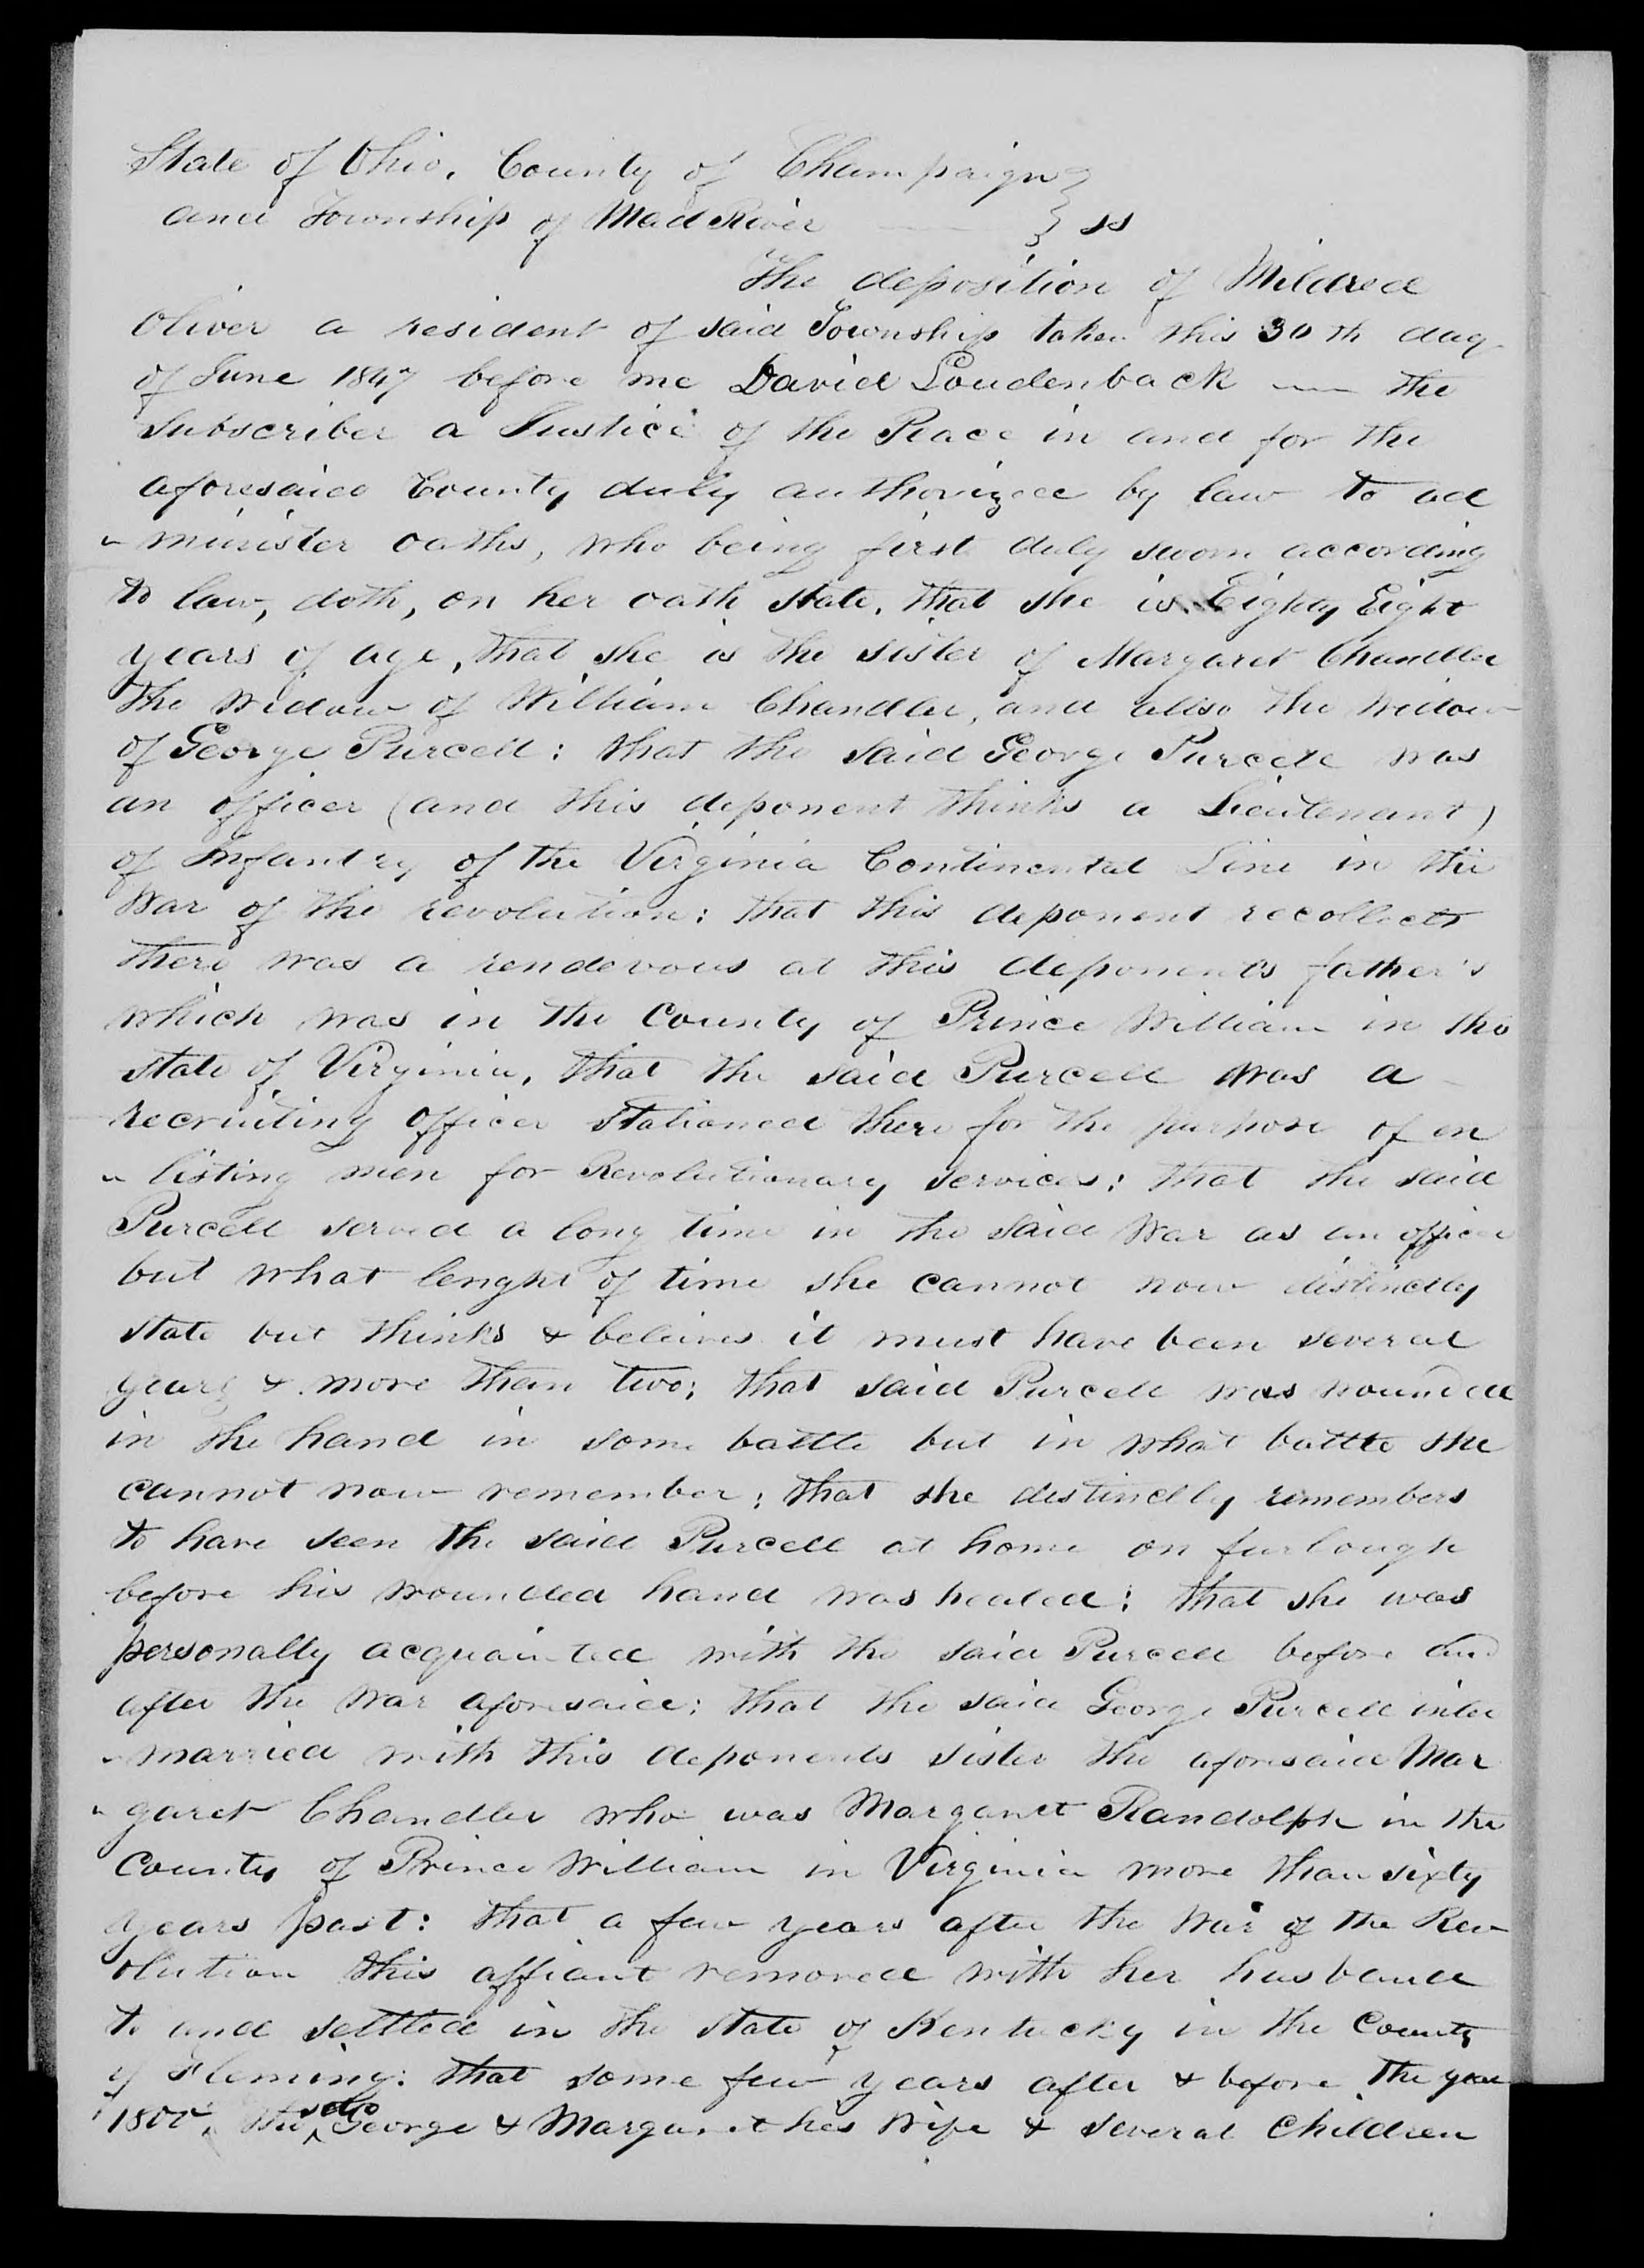State of Ohio, County of Champaign
and Township of Mad River --} SS
The deposition of Mildred
Oliver a resident of said Township taken this 30th day of June 1847 before me David Laudenback - the Subscriber a Justice of the Peace in and for the aforesaid County duly authorized by law to administer oaths, who being first duly sworn according to law, doth, on her oath state, that she is Eighty Eight years of age, that she is the sister of Margaret Chandler the widow of William Chandler, and allso the widow of George Purcell: that the said George Purcell was an officer (and this deponent thinks a Lieutenant) of Infantry of the Virginia Continental Line in the War of the revolution; that this deponent recollects there was a rendevous at this deponents father's which was in the County of Prince William in the state of Virginia, that the said Purcell was a recruiting officer stationed there for the purpose of enlisting men for Revolutionary Service: that the said Purcell served a long time in the said War as an officer but what length of time she cannot now distinctly state but thinks & believes it must have been several years & more than two; that said Purcell was wounded in the hand in some battle but in what battle she cannot now remember; that she distinctly remembers to have seen the said Purcell at home on furlough before his wounded hand was healed; that she was personally acquainted with the said Purcell before and after the War aforesaid; That the said George Purcell intermarried with this deponents sister the aforesaid Margaret Chandler who was Margaret Randolph in the County of Prince William in Virginia more than sixty years past: That a few years after the War of the Revolution this affiant removed with her husband to and settled in the State of Kentucky in the County of Fleming; that some few years after & before the year 1800, the said George & Margaret his wife & Several Children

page: 14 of 86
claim: widow's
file: W. 6661, for George Purcell, Virginia